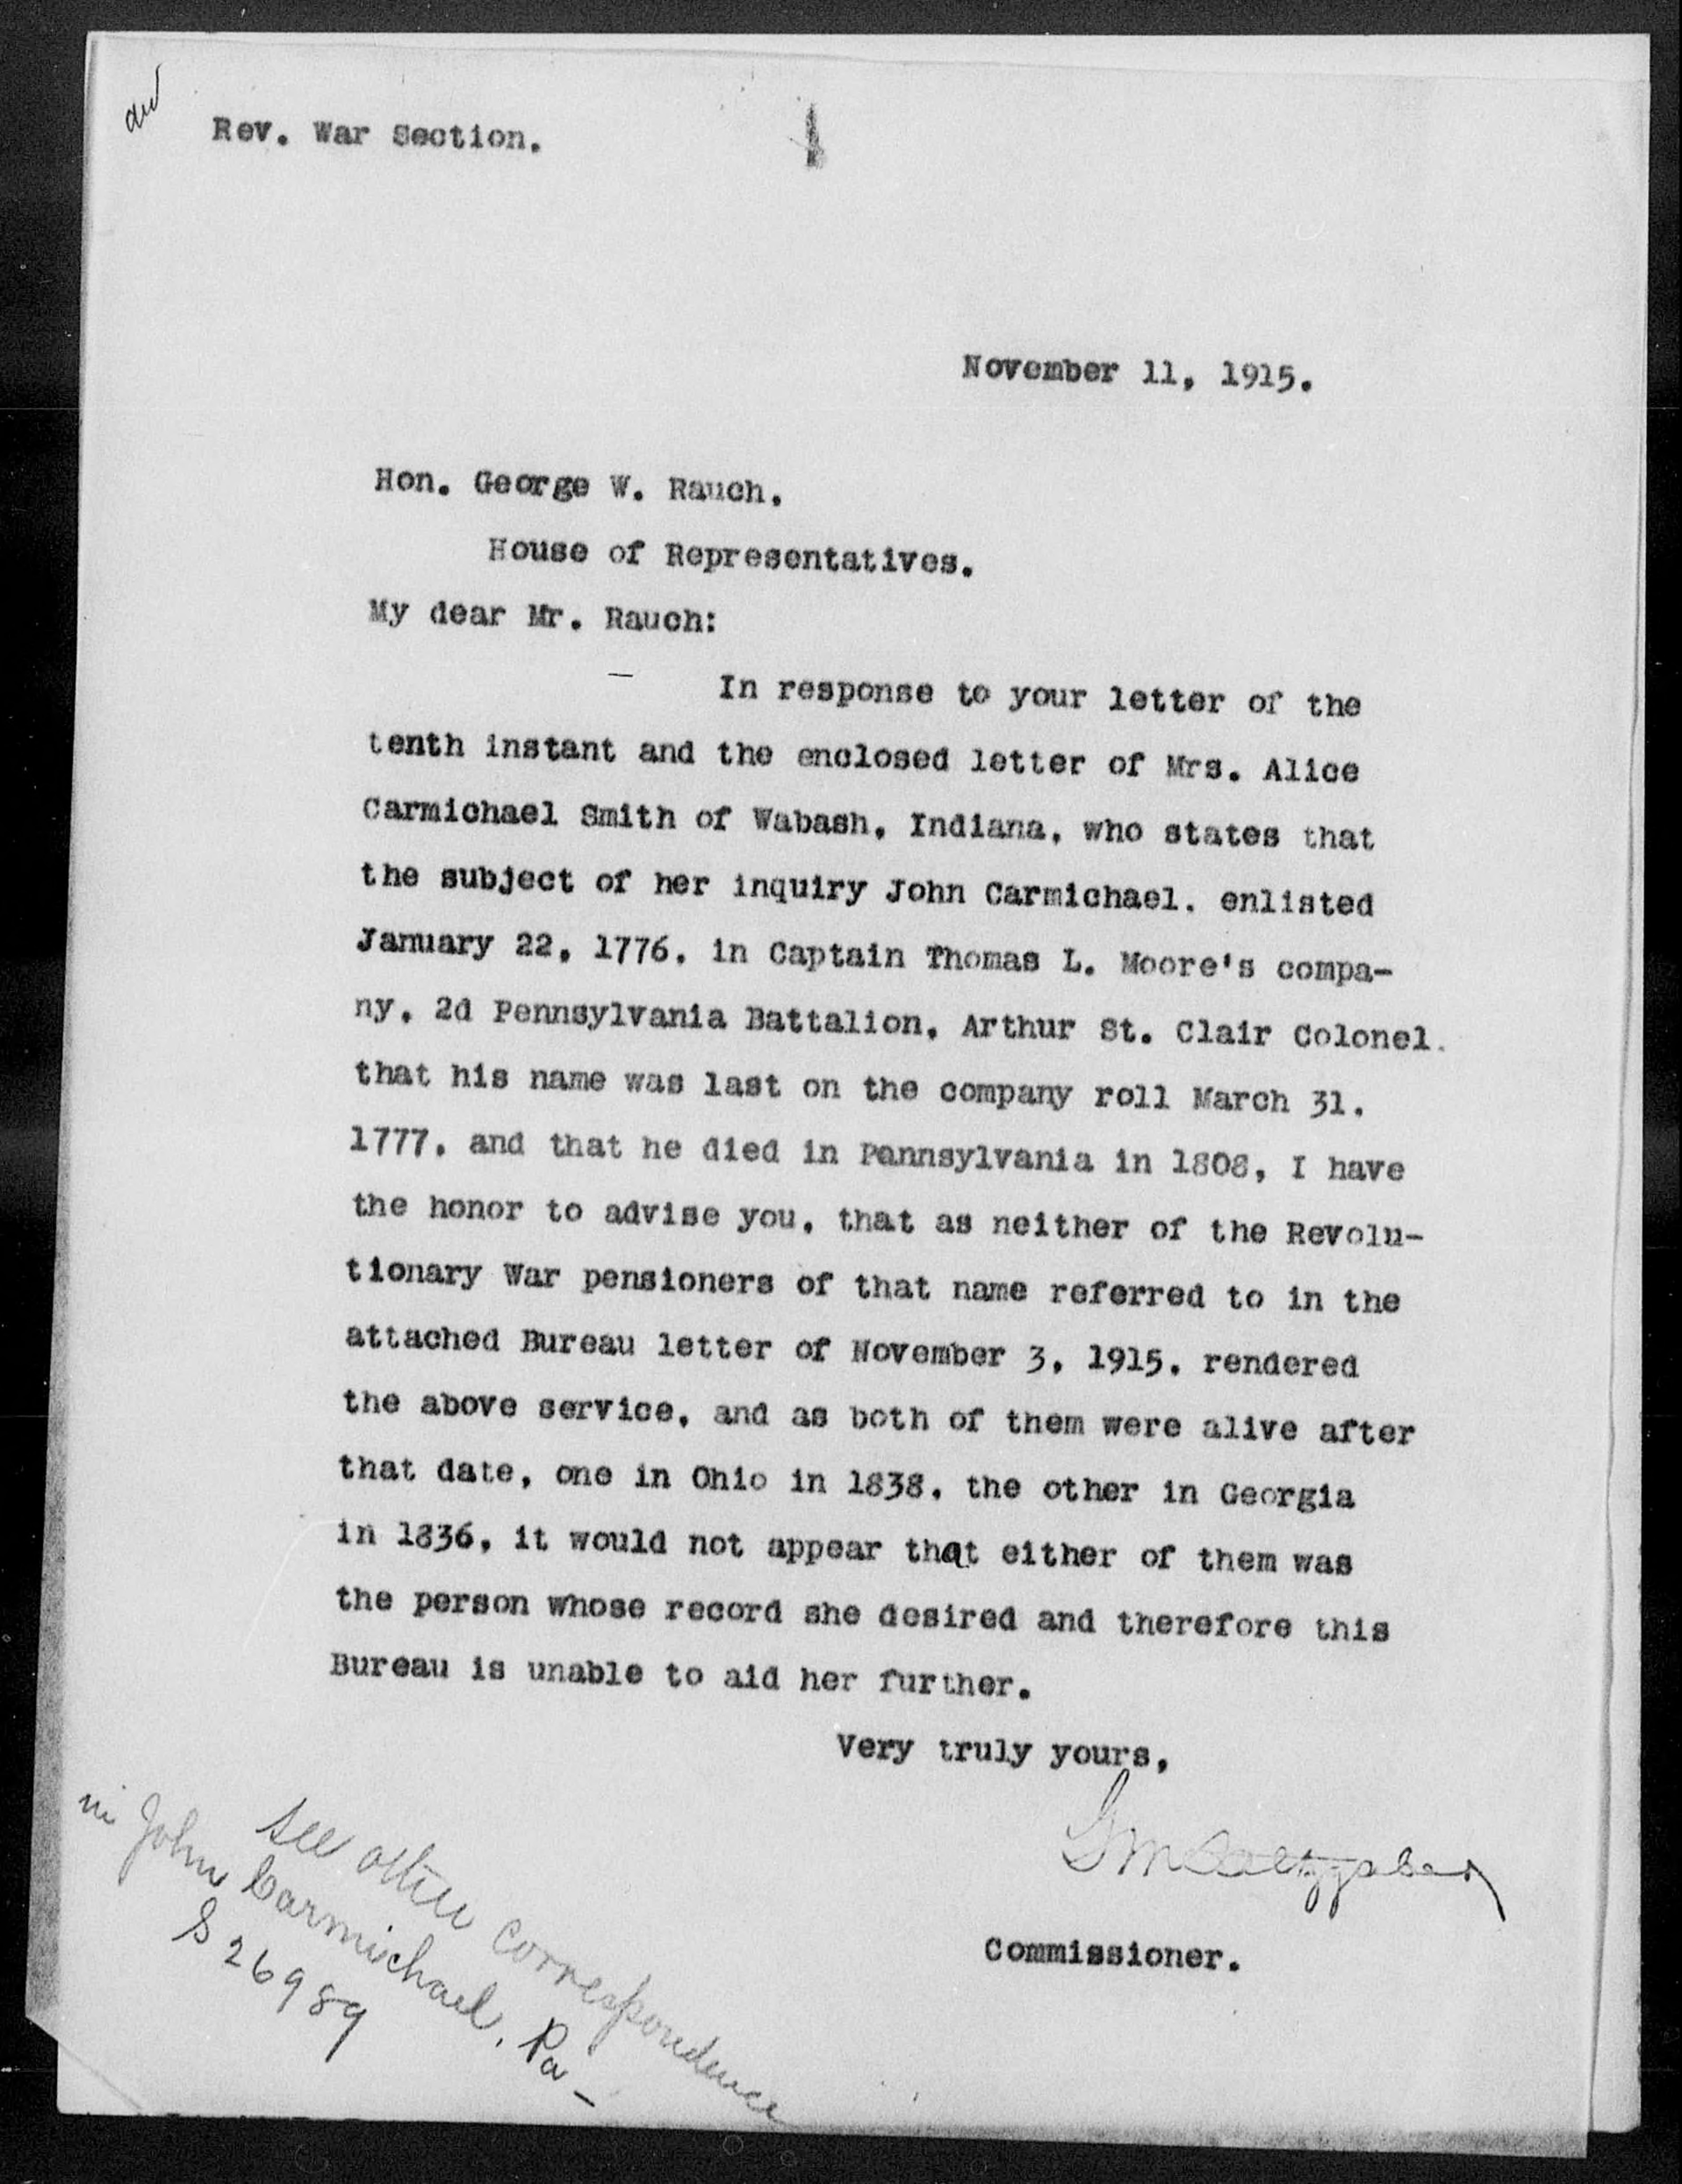Rev. War Section,
November 11, 1915.

Hon. George W. Rauch,
House of Representatives,

My dear Mr. Rauch:
In response to your letter of the tenth instant and the enclosed letter of Mrs. Alice
Carmichael Smith of Wabash, Indiana, who states that the subject of her inquiry John Carmichael, enlisted January 22, 1776, in Captain Thomas L. Moore's company, 2d Pennsylvania Battalion, Arthur St. Clair Colonel that his name was last on the company roll March 31, 1777, and that he died in Pennsylvania in 1808, I have the honor to advise you, that as neither of the Revolutionary
War pensioners of that name referred to in the
attached Bureau letter of November 3, 1915, rendered the above service, and as both of them were alive after that date, one in Ohio in 1838, the other in Georgia in 1836, it would not appear that either of them was the person whose record she desired and therefore this Bureau is unable to aid her further,
Very truly yours,
G M Saltzgaber
Commissioner.

See other correspondence
-John Carmichael, Pa
S26989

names: John Carmichael, George W Rauch, G M Saltzgaber, Rauch, Alice Carmichael, Arthur St Clair, Alice Smith, John Carmichael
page: 42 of 42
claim: survivor's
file: S. 31,595, John Carmickele, Penn.